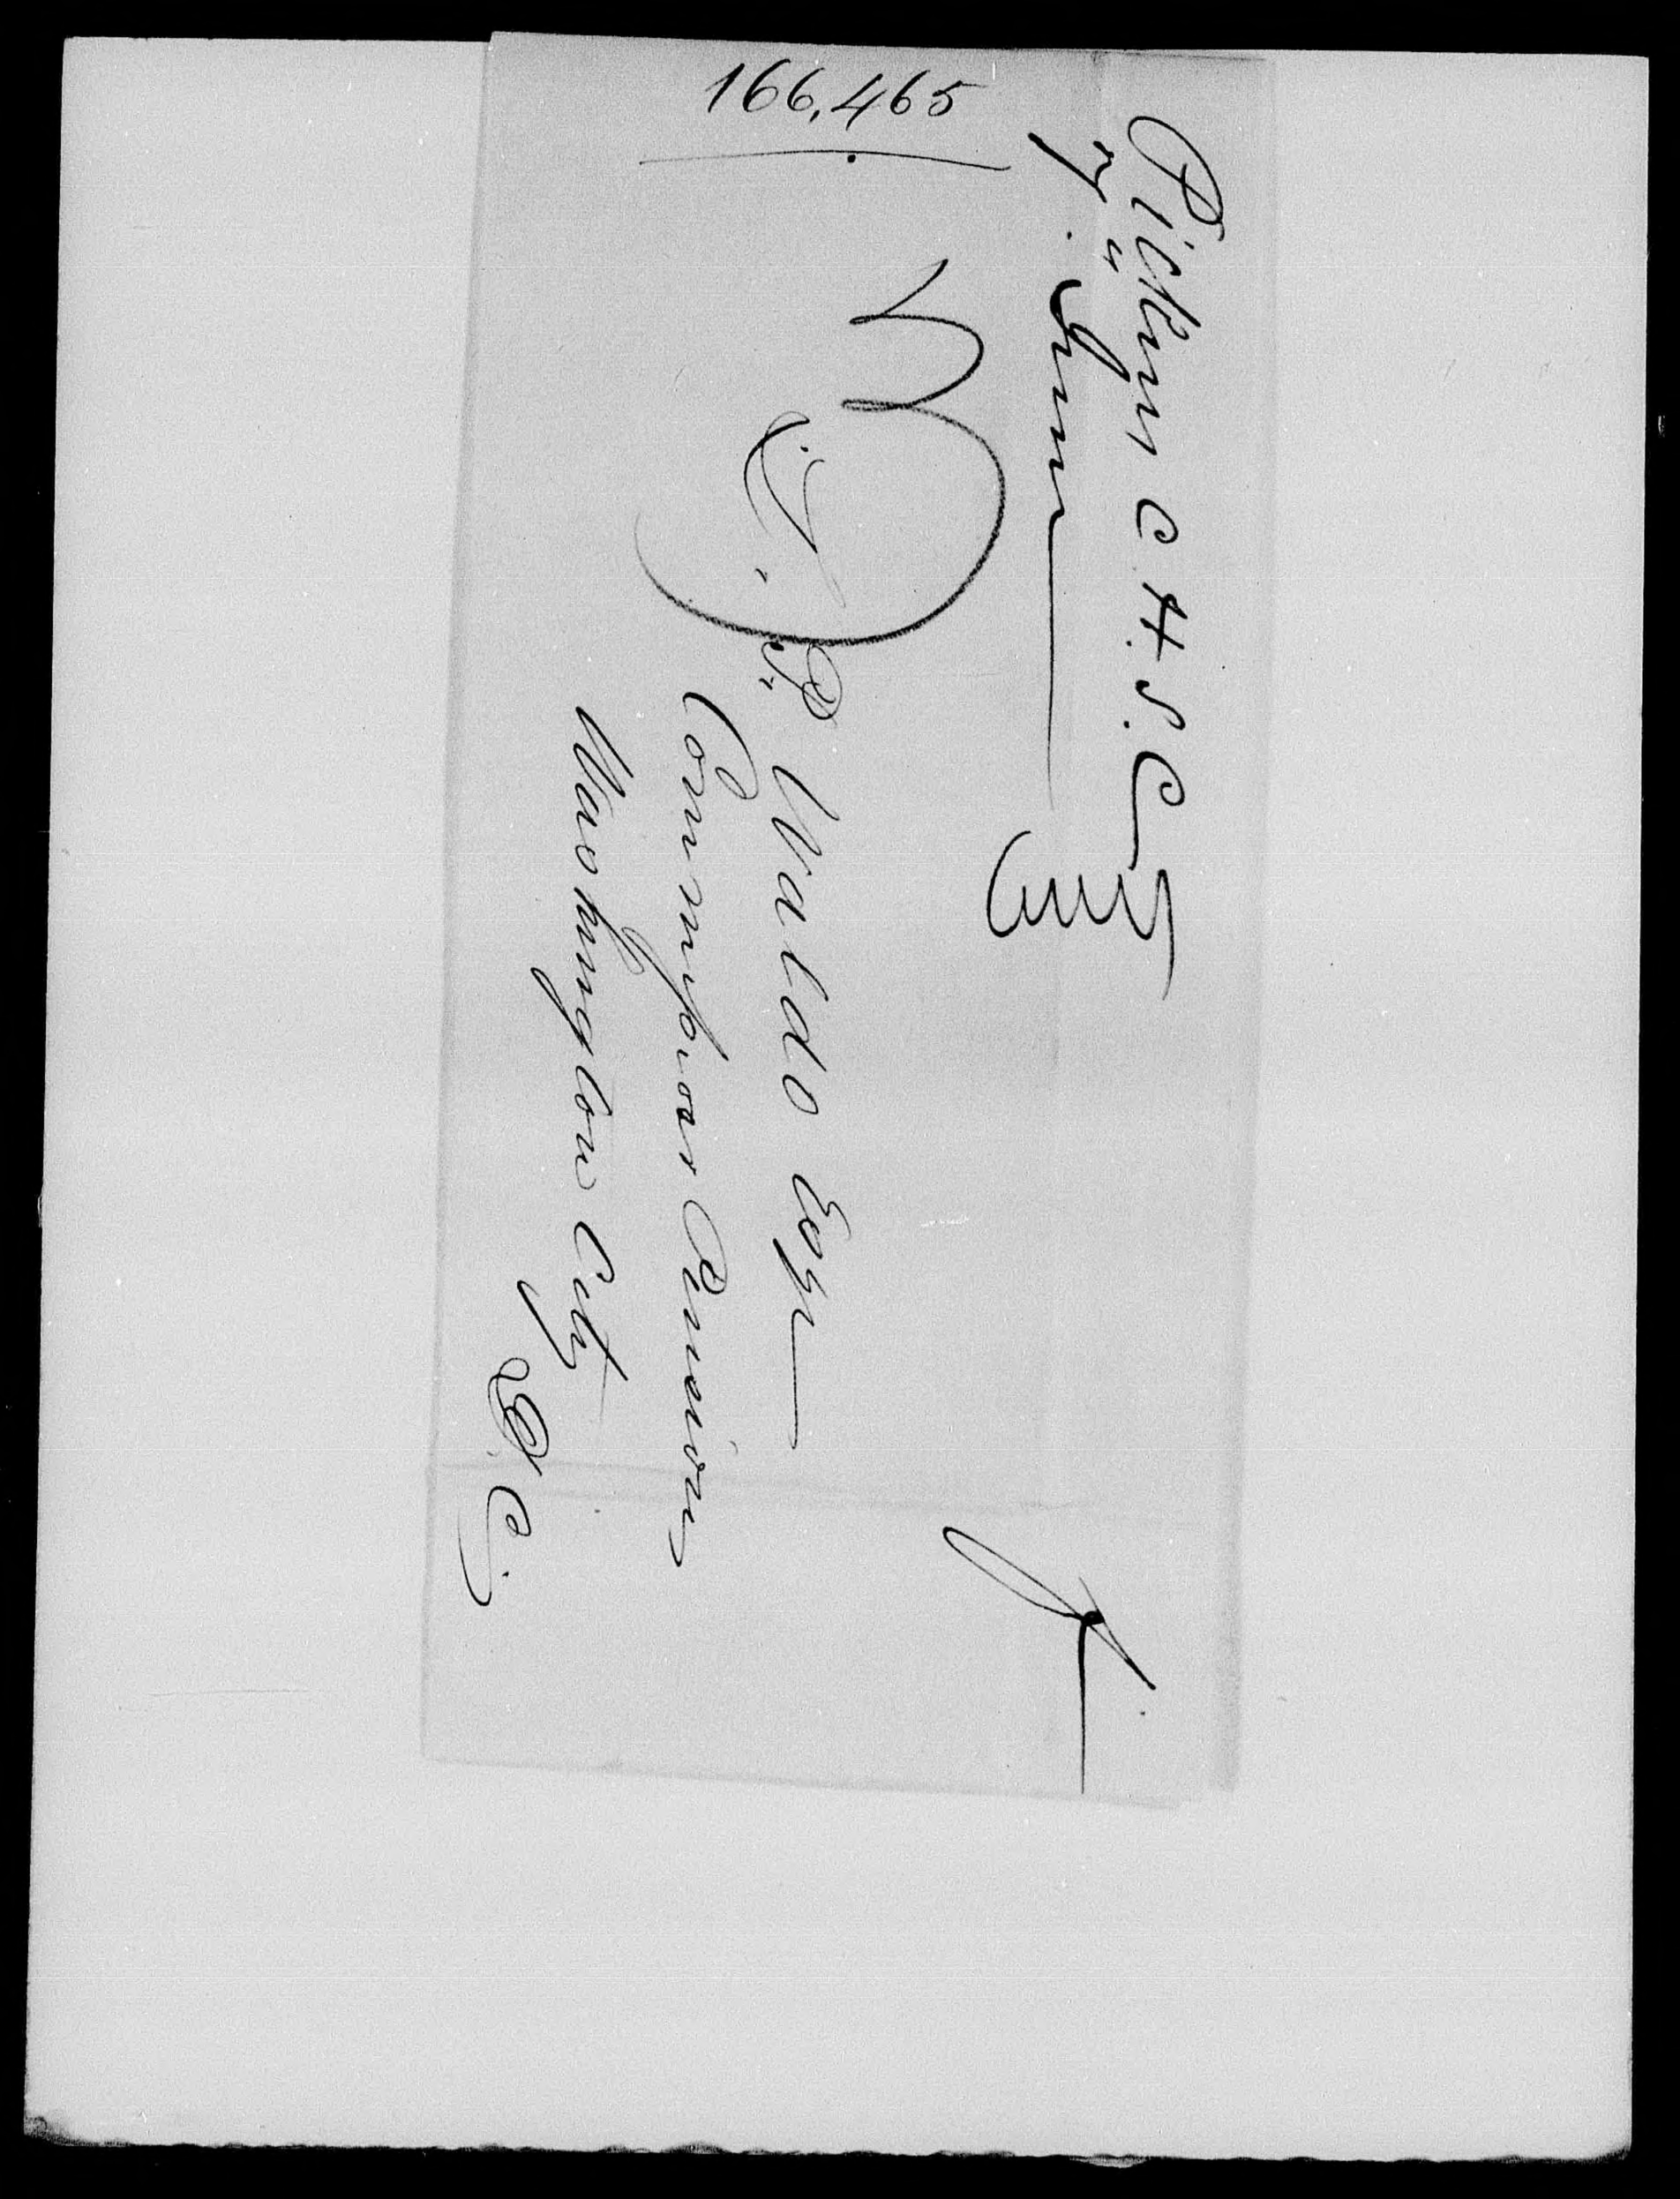[horizontal]

Pickens C. H. S.C.
7 June

L P Waldo.
Commission Pensions
Washington City
D.C.

[vertical]

166.465

3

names: L P Waldo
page: 47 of 55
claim: widow's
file: W. 22864, John Craig, S.C. Born In Iceland